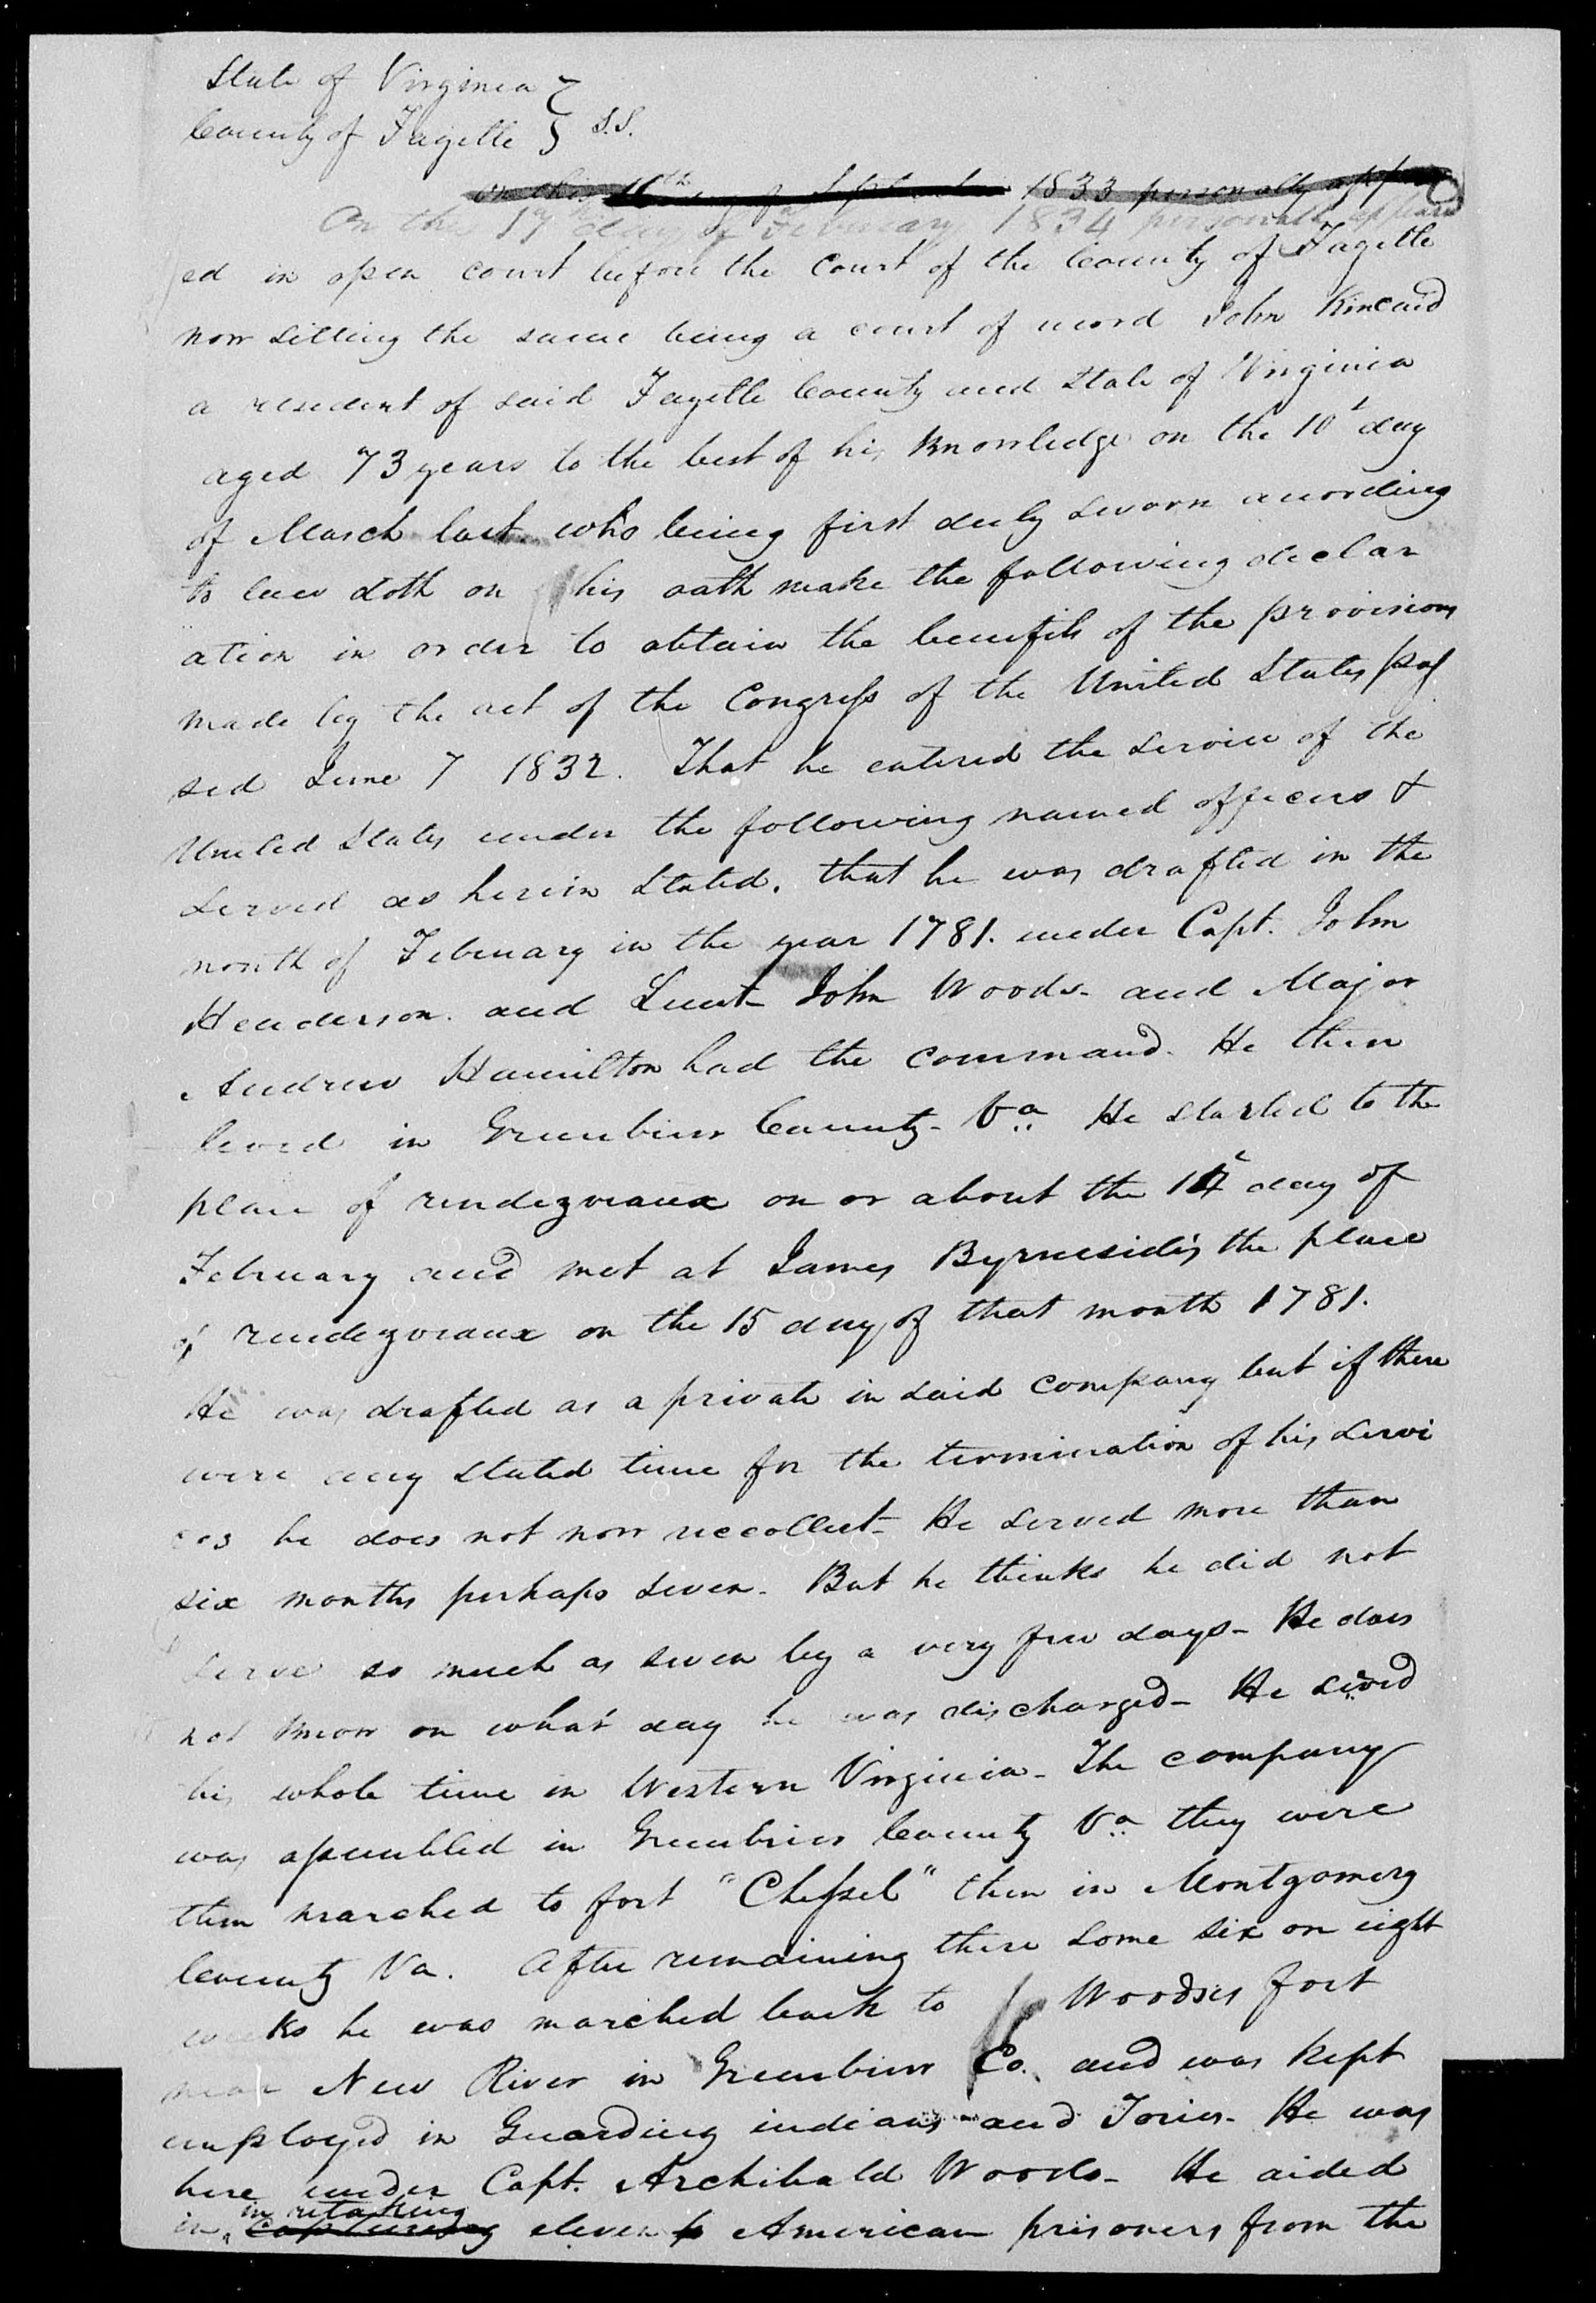State of Virginia
County of Fayette ss.

On the 17th day of February 1834 personally appeared in open court before the Court of the County of Fayette now sitting the same being a court of record John Kincaid a resident of said Fayette County and State of Virginia aged 73 years to the best of his knowledge on the 10th day of March last who being first sworn according to law doth on his oath make the following declaration in order to obtain the benefits of the provision made by the Act of Congress of the United States passed June 7 1832.  That he entered the service of the United States under the following named officers and  served as herein stated, that he was drafted in the month of February in the year 1781 under Capt. John Henderson and Lieut. John Woods and Major Andrew Hamilton had the command. He then lived in Greenbrier County Va.  He started to the place of rendezvous on or about the 14th day of February and met at James Byrnesides the place of rendezvous on the 15th day of that month 1781.
He was drafted as a private in said Company but if there were any stated time for the termination of his services he does not now recollect.  He served more than six months perhaps seven.  But he thinks he did not serve as much as seven by a very few days.  He served his whole time in Western Virginia.l The company was assembled in Greenbrier County Va.   they were then marched to Fort "Chisel"? then in Montgomery County Va. After remaining there some six or eight weeks he was marched back to Woods' Fort near New River in Greenbrier Co. and was kept employed in guarding indians and Tories.  He was here under Capt. Archibald Woods.  He aided in retaking eleven American prisoners from the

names: John Henderson; Archibald Woods; Andrew Hamilton; John Kincaid; John Woods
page: 3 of 33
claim: survivor's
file: S. 19367, for John Kincaid, Virginia